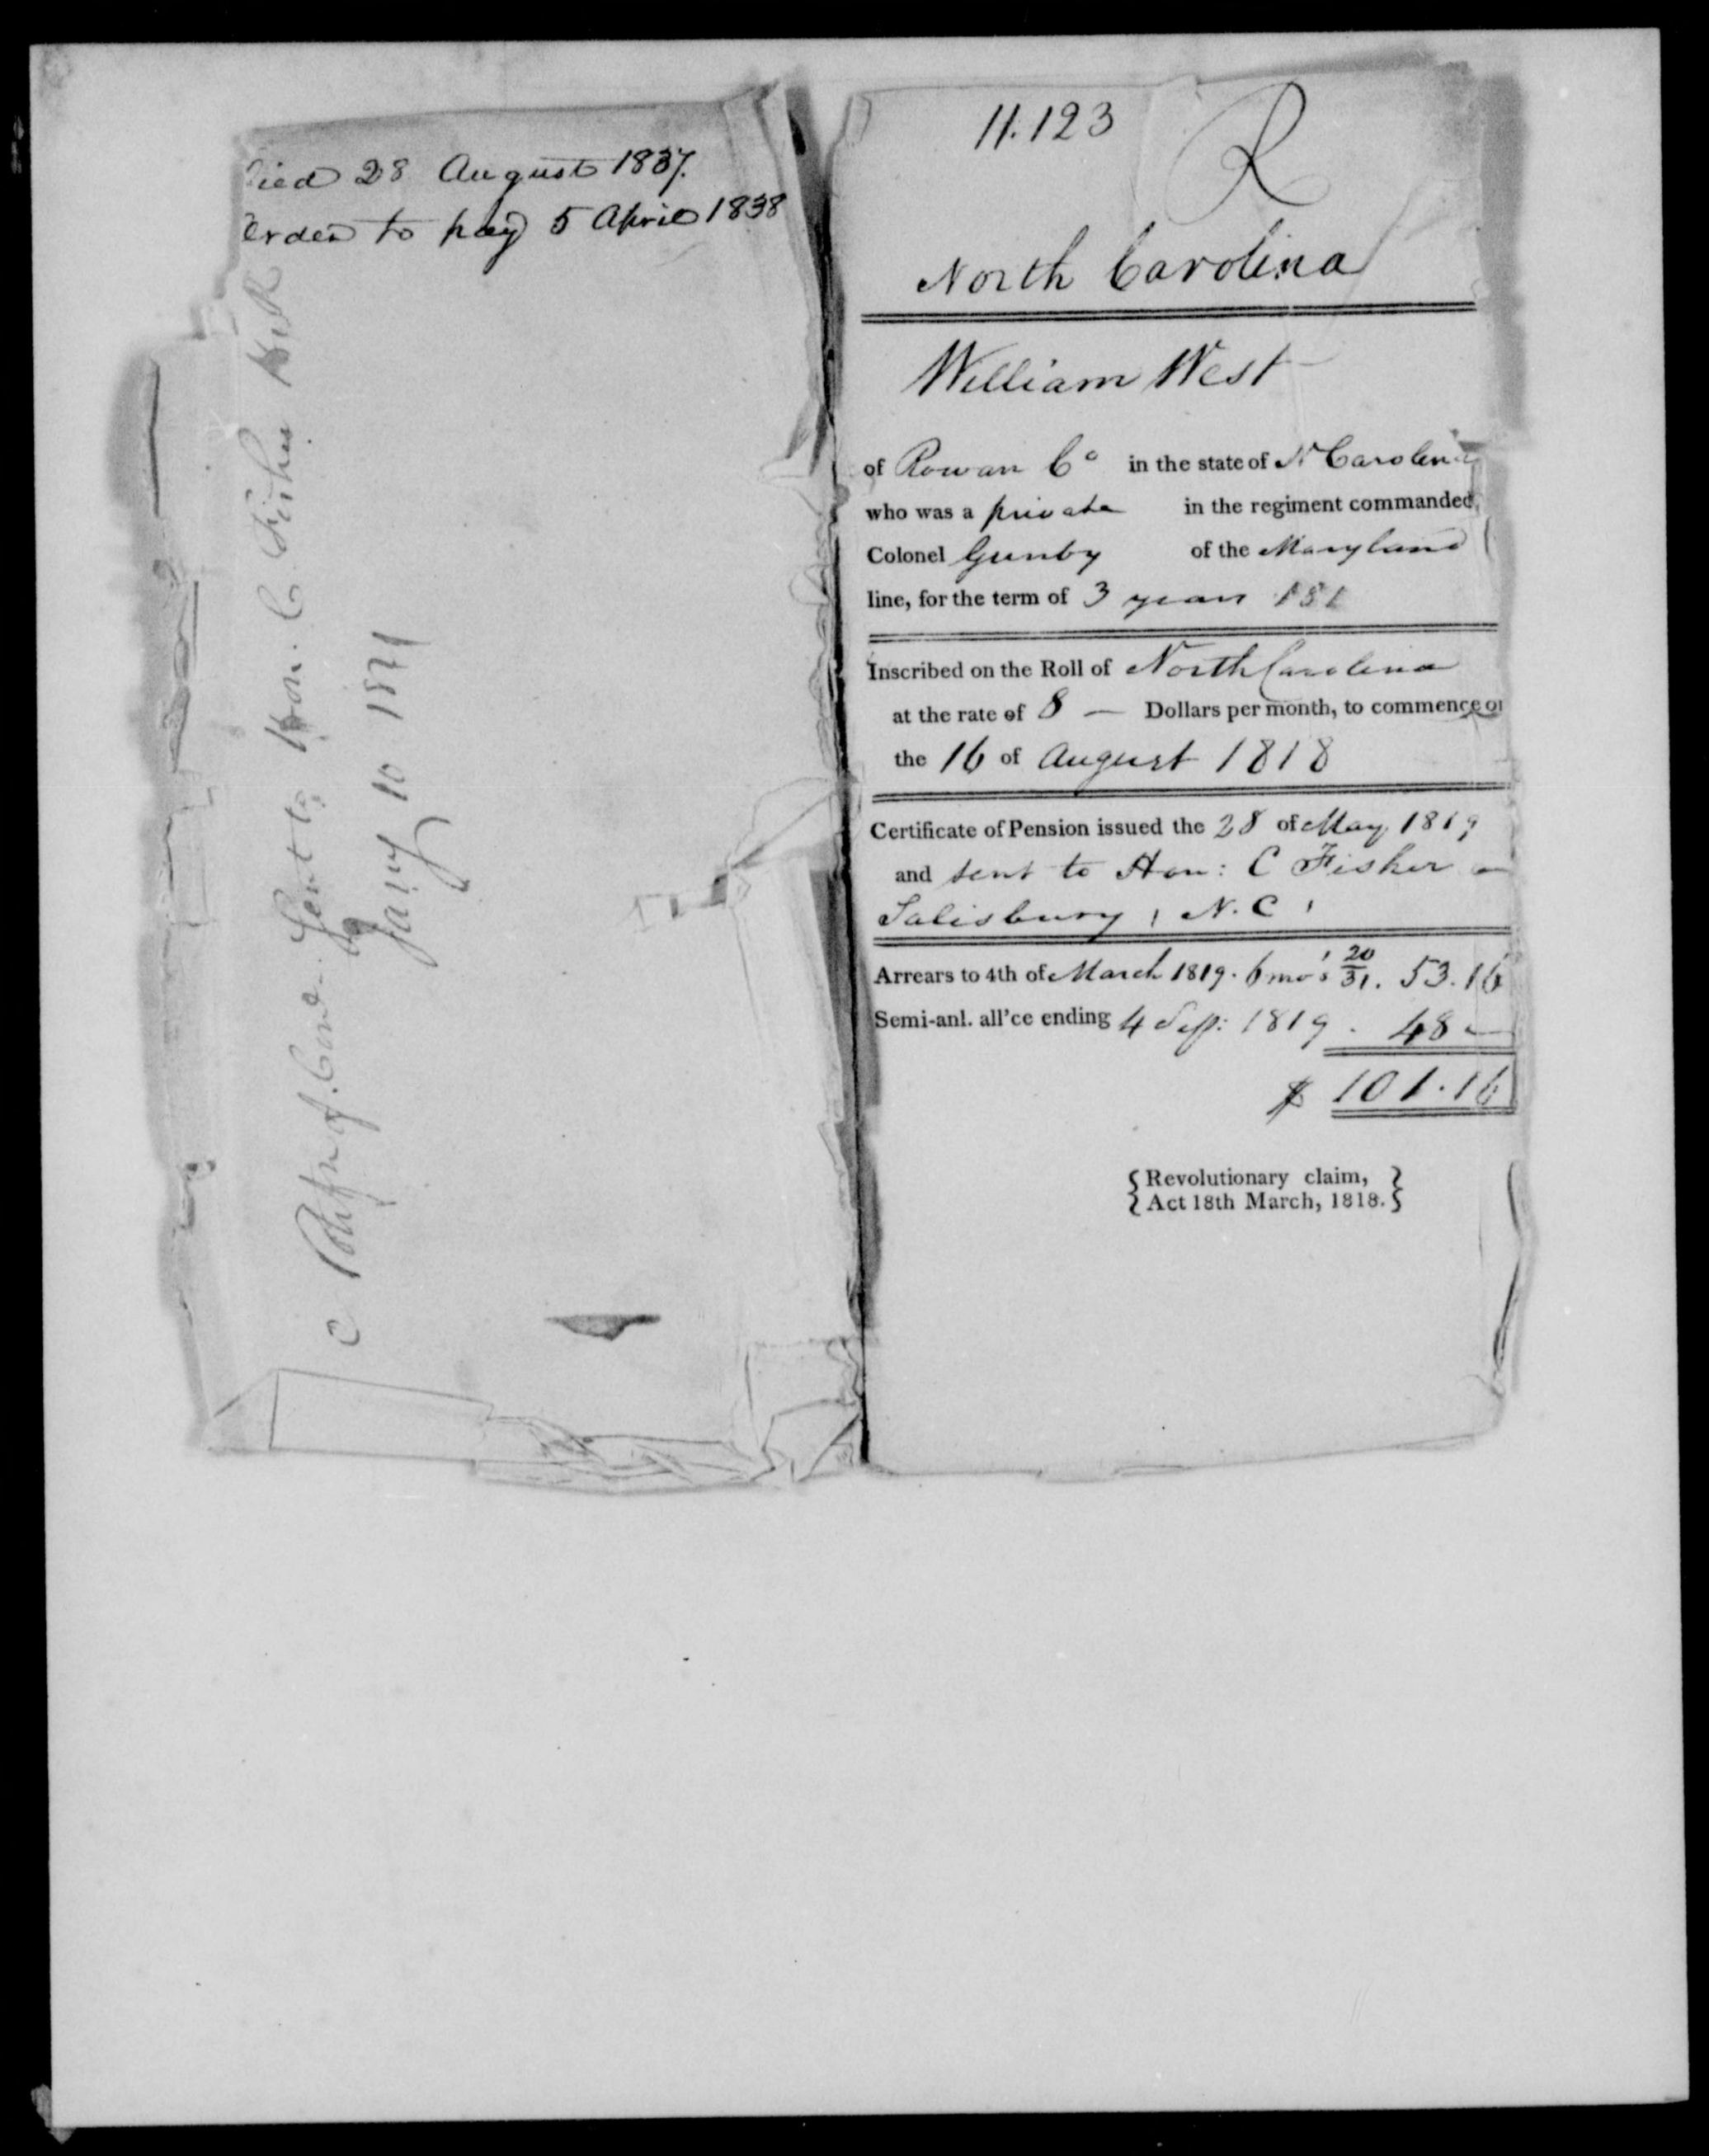Died 28 August 1837.
Order to pay 5 April 1838
c [illegible] ohfn of. Conl Sent to Hon. C. Fisher [illegible]
Jany 10 1871 [date illegible]

11.123
R
North Carolina
William West 
of Rowan Co in the state of N Carolina
who was a private in the regiment commanded
Colonel Gunby of the Maryland
line, for the term of 3 years 181
Inscribed on the Roll of North Carolina
at the rate of 8- Dollars per month, to commence on
the 16 of August 1818
Certificate of Pension issued the 28 of May 1819
and sent to Hon C Fisher
Salisbury, N.C.
---
Arrears to 4th of March 1819 6 mo's 20/31. 53.16
Semi-anl. all'ce ending 4 Sep: 1819. 48~
-
$101.16
Revolutionary claim,
Act 18th March, 1818.}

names: Gunby, William West, C Fisher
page: 3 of 12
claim: survivor's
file: S. 42060, William West, Md.